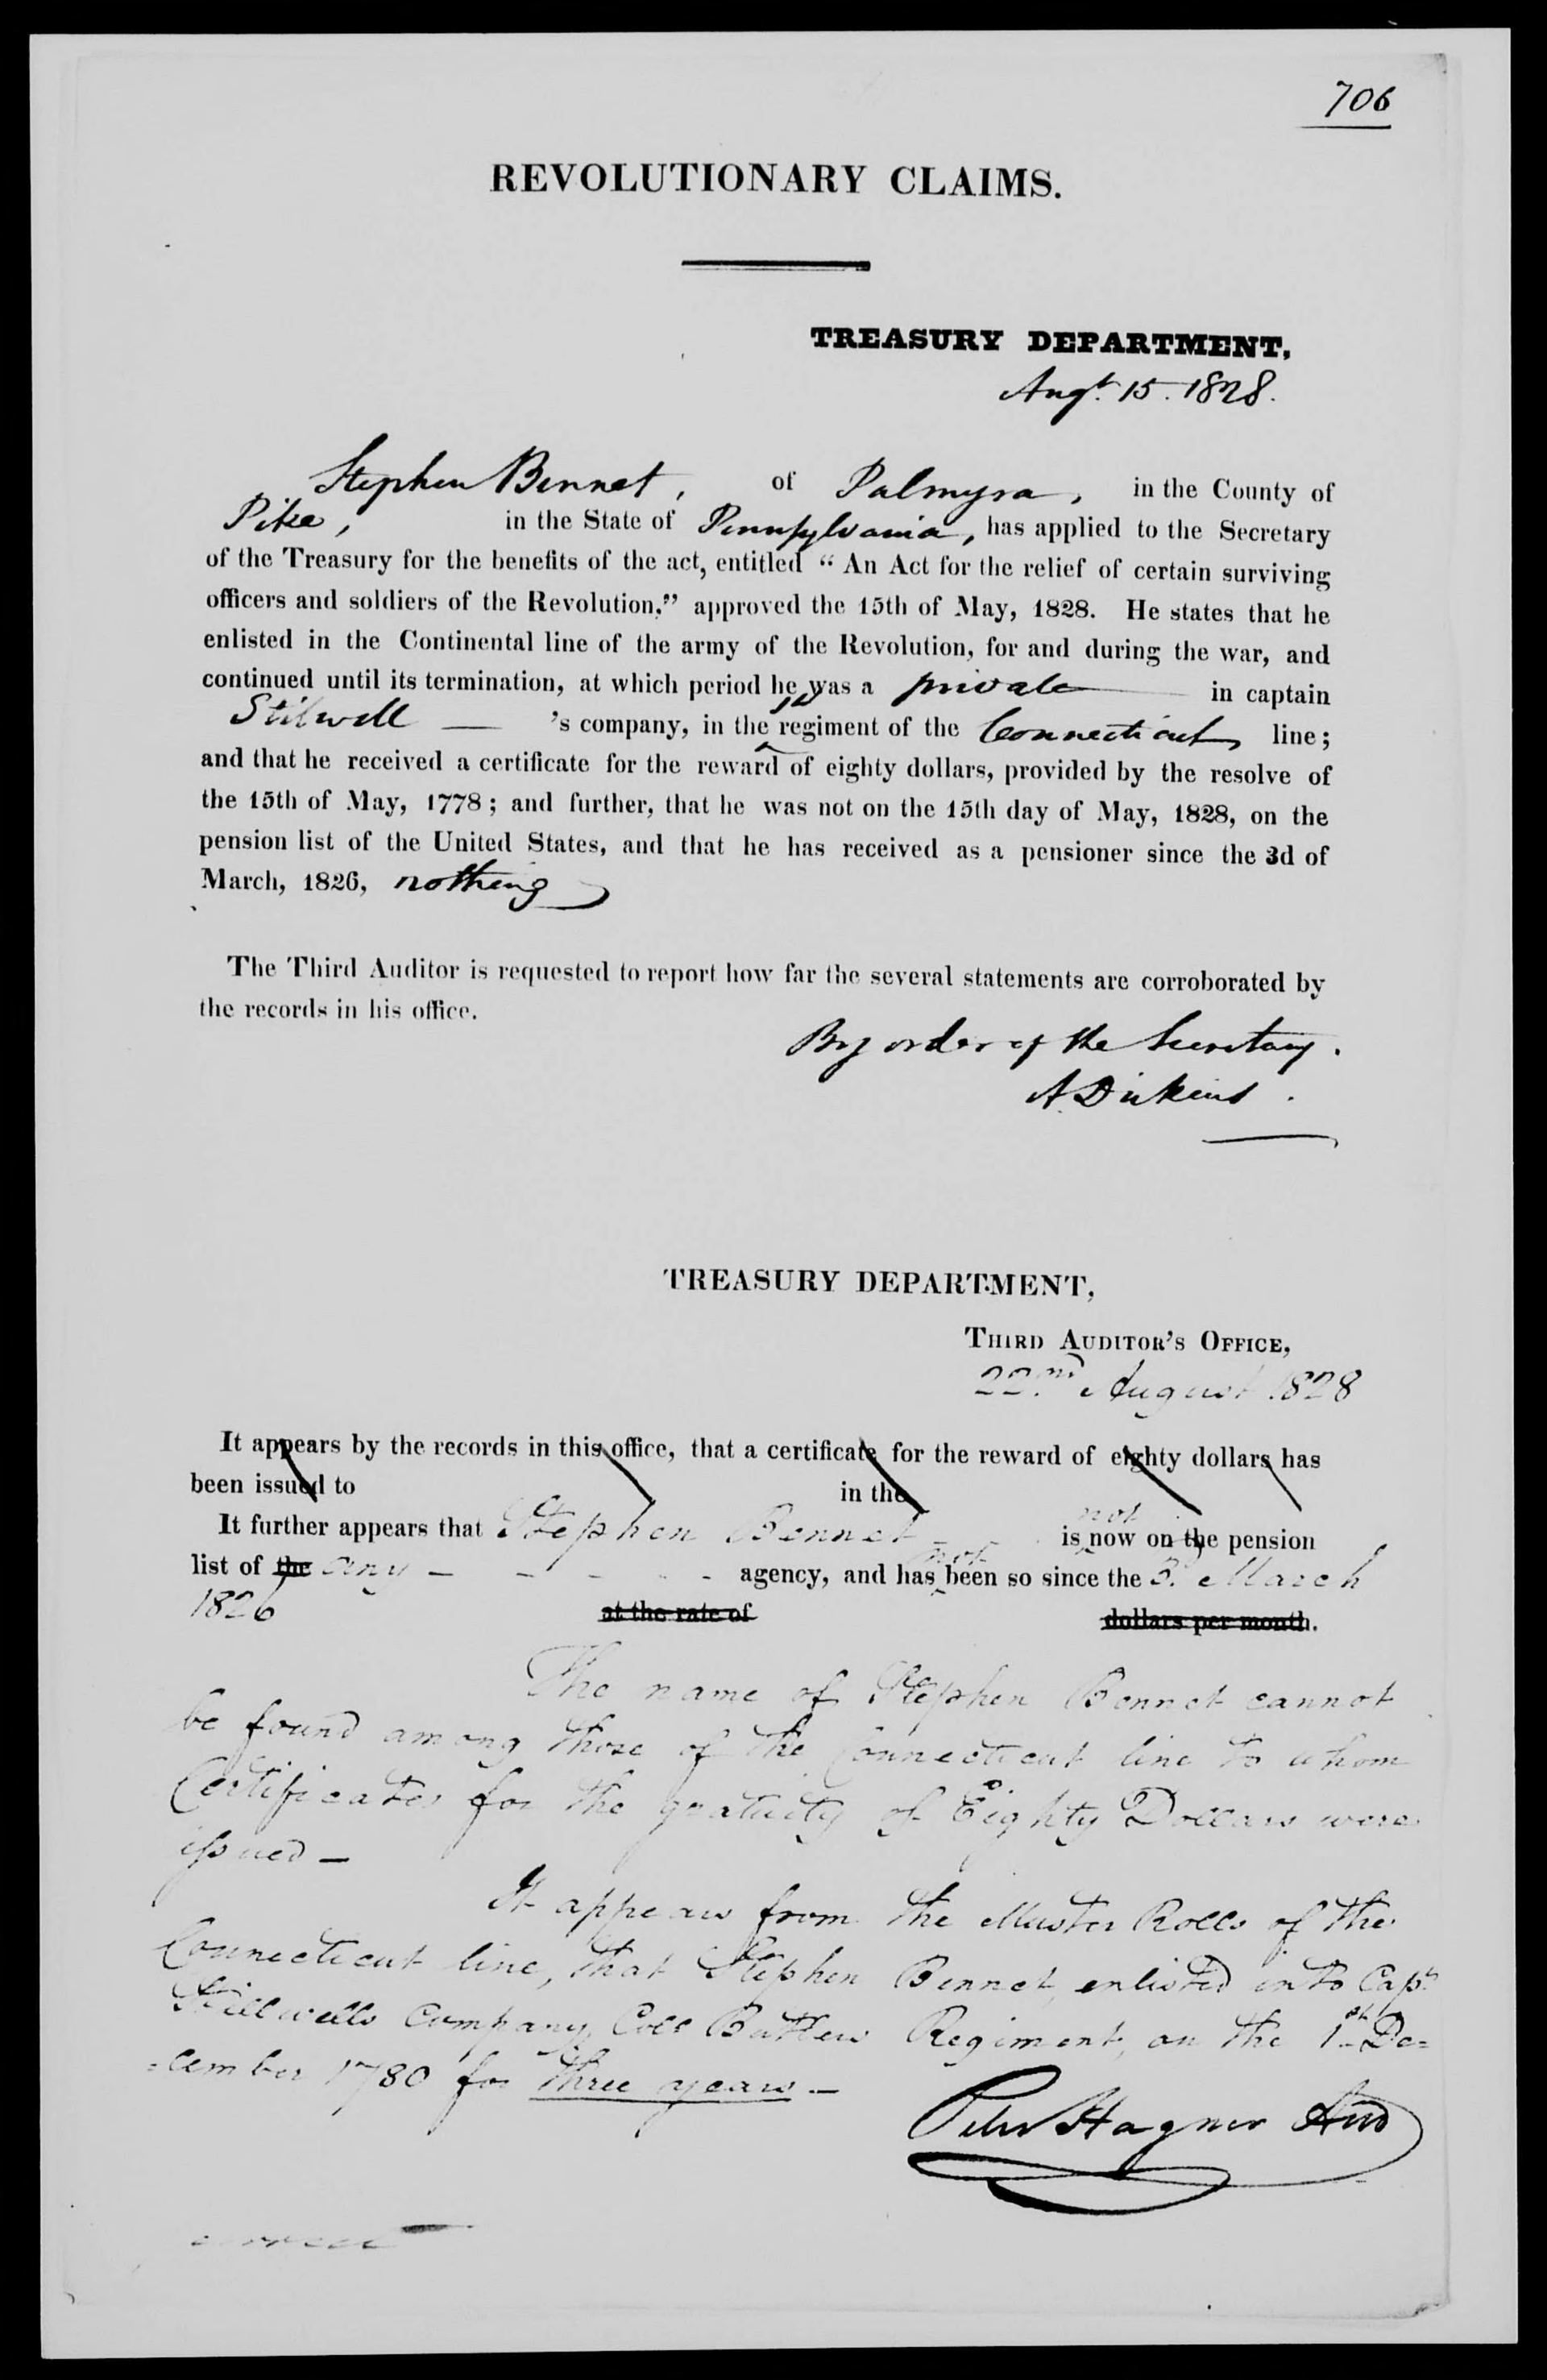REVOLUTIONARY CLAIMS.
706
TREASURY DEPARTMENT.
Augt 15. 1828.
Stephen Bennet, Pike of Palmyra
in the County of
in the State of Pennsylvania, has applied to the Secretary
of the Treasury for the benefits of the act, entitled ""An Act for the relief of certain surviving
officers and soldiers of the Revolution,” approved the 15th of May 1828. He states that he
enlisted in the Continental line of the army of the Revolution, for and during the war, and
continued until its termination, at which period he was a private in captain Stilwell's
 company, in the regiment of the Connecticut line.
and that he received a certificate for the reward of eighty dollars, provided by the resolve of
the 15th of May 1778; and further, that he was not on the 15th day of May 1828, on the
pension list of the United States, and that he has received as a pensioner since the 3d of
March 1826, nothing
The Third Auditor is requested to report how far the several statements are corroborated by
the records in his office.
By order of the Secretary.
of Dickens
TREASURY DEPARTMENT.
THIRD AUDITOR'S OFFICE,
August 1828
It appears by the records in this office, that a certificate for the reward of eighty dollars has
been issued to
It further appears that Stephen bennet cannot be found among those of the Connecticut line to whom certificate for gratuity of eighty dollars was signed.
it appears from the muster rolls of the Connecticut line that Stephen Bennet enlisted into Capt. Stillwell's company roll Batton regiment on the 1st of December 1780
for three years
Peter Hagner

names: A Dickins, Peter Hagner, Stephen Bennet, Stephen Bennet, Stephen Bennet, Stephen Bennet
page: 41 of 79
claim: widow's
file: W. 2,906, Stephen Bennet, Conn.